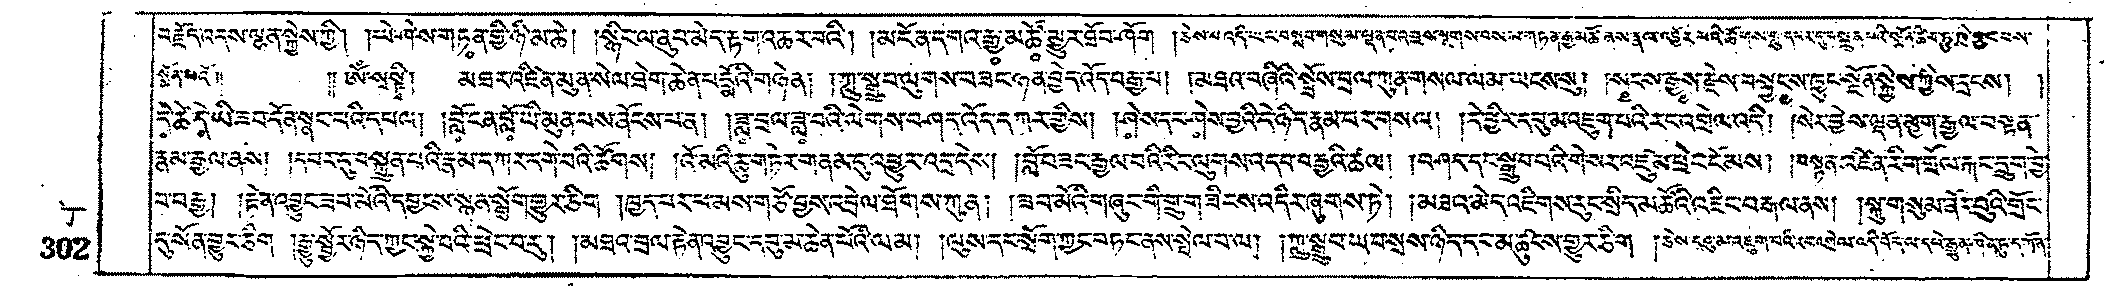བརྗོད་འདས་ལྷན་སྐྱེས་ཀྱི། །ཡེ་ཤེས་གཏན྾་གྱི་ཉི་མ་ཆེ། །སྙིང་ལ་ནུབ་མེད་རྟ་འཆར་བའི། །མངོན་དགའ་རྒྱ྾་མཚོ྾་མྱུར་ཐོབ་ཤོག །།ཅེས་པ་འདི་ཡང་བསླབ་གསུམ་ལྡན་པ་འབྲས་སྔགས་བསམ་གཏན་རྒྱ་མཚོ་ནས་རྣལ་འབྱོར་མའི་ཚོགས་གླུ་དཔར་དུ་བསྐྲུན་པའི་སྨོན་ཚིག་ཏུ་ཁྲི་བྱང་པས་
སྨོན་པའོ།། །།ཨོཾ་སྭསྟྭི། མཐར་འཛིན་མུན་སེལ་ཐེག་ཆེན་པདམོའི་གཉེན། །ཀླུ་སྒྲུབ་ལུགས་བཟང་ཉན་བྱེད་འོད་བརྒྱ་པ། །མཐའ་བཞིའི་སྤྲོས་བྲལ་ཀུན་གསལ་ལམ་ཡངས་སུ། །སངས་རྒྱས་རྗེས་བསྐྱངས་ཁྱུང་སྔོན་སྐྱེས་ཀྱིས་དྲངས། །
དེ྾་ཚེ་དེ྾་ཡི་ཟབ་དོན་སྣང་བའི་དཔལ། །བློ྾་ངན་བློ྾་ཡི་མུན་པས་ནོངས་པ་ན། །ཟླ྾་བྲལ་ཟླ྾་བའི་ལེགས་བཤད་འོད་དཀར་གྱིས། །ཤེས྾་དང་ཤེས྾་བྱའི་དེ་ཉིད་རྣམ་པར་གསལ། །དེ་ཕྱིར་དབུ་མ་འཇུག་པའི་རང་འགྲེལ་འདི། །སེར་བྱེས་ལྡན་ཕྱག་རྒྱལ་བསྟན་
རྣམ་རྒྱལ་ནས། །དཔར་དུ་བསྐྲུན་པའི་རྣམ་དཀར་དགེ་བའི་ཚོགས། །འོ་མའི་ཆུ་གཏེར་གནམ་དུ་འཕྱུར་འདྲ་དེས། །བློ་བཟང་བའི་རིང་ལུགས་འདབ་བརྒྱའི་ཚལ། །བཤད་དང་སྒྲུབ་པའི་གསེར་འཛུམ་ཕྲེང་ངོམས། །བསྟན་འཛིན་རིག་གྲོལ་རྐང་དྲུག་བྱེ་
བ་བརྒྱ། །རྟེན་འབྱུང་ཟབ་མོའི་དབྱངས་སྙན་སྒྲོག་གྱུར་ཅིག །ཁྱད་པར་ཕ་མས་གཙོ་བྱས་འབྲེལ་ཐོགས་ཀུན། །ཟབ་མོའི་གཞུང་གི་གྲུ་གཟིངས་འདིར་ཞུགས་ཏེ། །མཐའ་མེད་འཇིགས་རུང་སྲིད་མཚོའི་འཇིང་བརྒལ་ནས། །སྐུ་གསུམ་ནོར་བུའི་གྲོང་
དུ་སོན་གྱུར་ཅིག །རྒྱུ་སྦྱོར་ཉིད་ཀྱང་སྐྱེ་བའི་ཕྲེང་བ་རུ། །མཐའ་བྲལ་རྟེན་འབྱུང་དབུ་མ་ཆེན་པོའི་ལམ། །ལུས་དང་སྲོག་ཀྱང་བཏང་ནས་སྤེལ་བ་ལ། །ཀླུ་སྒྲུབ་ཡབ་སྲས་ཉིད་དང་མཚུངས་གྱུར་ཅིག །ཅེས་དབུ་མ་འཇུག་པའི་རང་འགྲེལ་འདི་བོད་ལ་དཔེ་རྒྱུན་ཤིན་ཏུ་དཀོན་